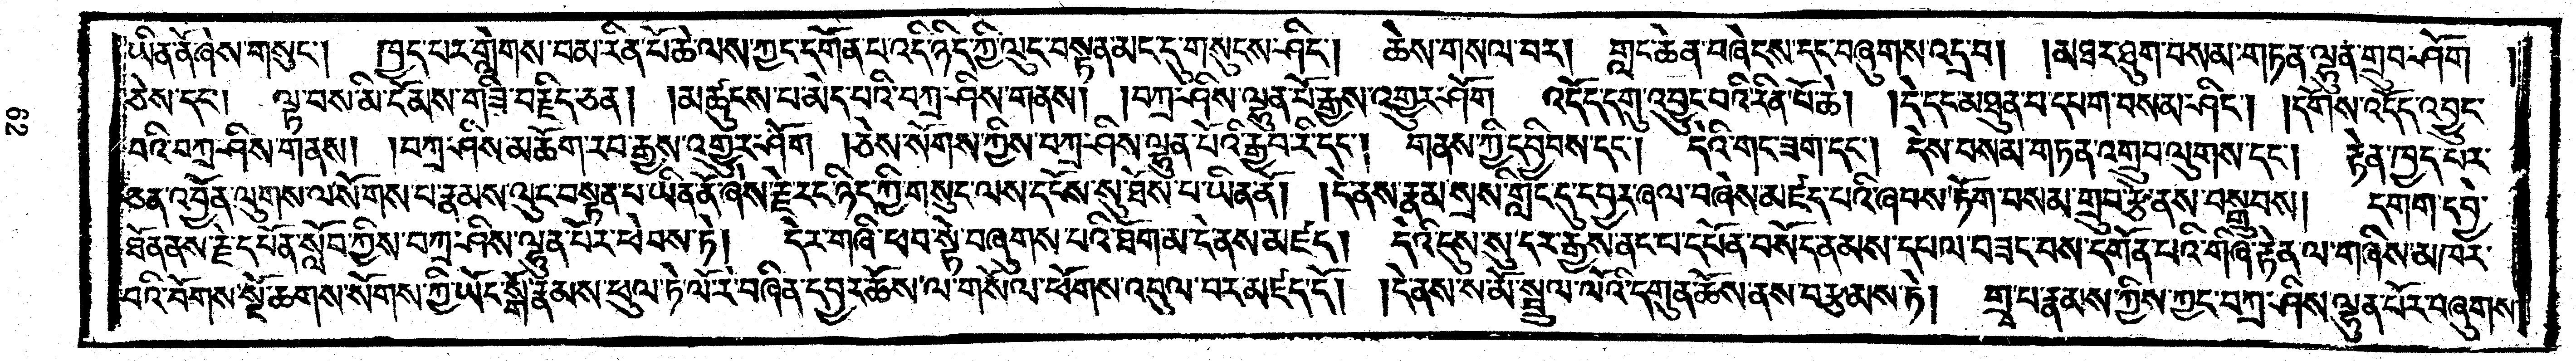ཡིན་ནོ་ཞེས་གསུང་། ཁྱད་པར་གླེགས་བམ་རིན་པོ་ཆེ་ལས་ཀྱང་དགོན་པ་འདི་ཉིད་ཀྱི་ལུང་བསྟན་མང་དུ་གསུངས་ཤིང་། ཆེས་གསལ་བར། གླང་ཆེན་བཞེངས་དང་བཞུགས་འདྲ་བ། །མཐར་ཐུག་བསམ་གཏན་ལྷུན་གྲུབ་ཤོག །
ཅེས་དང་། ལྟ་བས་མི་ངོམས་གཟི་བརྗིད་ཅན། །མཚུངས་པ་མེད་པའི་བཀྲ་ཤིས་གནས། །བཀྲ་ཤིས་ལྷུན་པོ་རྒྱས་འགྱུར་ཤོག་འདོད་དགུ་འབྱུང་བའི་རིན་པོ་ཆེ། །དེ་དང་མཐུན་པ་དཔག་བསམ་ཤིང་། །དགོས་འདོད་འབྱུང་
བའི་བཀྲ་ཤིས་གནས། །བཀྲ་ཤིས་མཆོག་རབ་རྒྱས་འགྱུར་ཤོག །ཅེས་སོགས་ཀྱིས་བཀྲ་ཤིས་ལྷུན་པོའི་རྒྱབ་རི་དང་། གནས་ཀྱི་དབྱིབས་དང་། དེའི་གང་ཟག་དང་། དེས་བསམ་གཏན་འགྲུབ་ལུགས་དང་། རྟེན་ཁྱད་པར་
ཅན་འབྱོན་ལུགས་ལ་སོགས་པ་རྣམས་ལུང་བསྟན་པ་ཡིན་ནོ་ཞེས་རྗེ་རང་ཉིད་ཀྱི་གསུང་ལས་དངོས་སུ་ཐོས་པ་ཡིན་ནོ། །དེ་ནས་རྣམ་སྲས་གླིང་དུ་དབྱར་ཞལ་བཞེས་མཛད་པའི་ཞབས་ཏོག་བསམ་གྲུབ་རྩེ་ནས་བསྒྲུབས། དགག་དབྱེ་
ཐོན་ནས་རྗེ་དཔོན་སློབ་ཀྱིས་བཀྲ་ཤིས་ལྷུན་པོར་ཕེབས་ཏེ། དེར་གཞི་ཕབ་སྟེ་བཞུགས་པའི་ཐོག་མ་དེ་ནས་མཛད། དེའི་དུས་སུ་དར་རྒྱས་ནང་པ་དཔོན་བསོད་ནམས་དཔལ་བཟང་བས་དགོན་པའི་གཞི་རྟེན་ལ་གཞིས་མཁར་
བའི་བོགས་སྔོ་ཆགས་སོགས་ཀྱི་ཡོང་སྒོ་རྣམས་ཕུལ་ཏེ་ལོ་རེ་བཞིན་དབྱར་ཆོས་ལ་གསོལ་ཕོགས་འབུལ་བར་མཛད་དོ། །དེ་ནས་ས་མོ་སྤྲུལ་ལོའི་དགུན་ཆོས་ནས་བརྩམས་ཏེ། གྲྭ་པ་རྣམས་ཀྱིས་ཀྱང་བཀྲ་ཤིས་ལྷུན་པོར་བཞུགས་